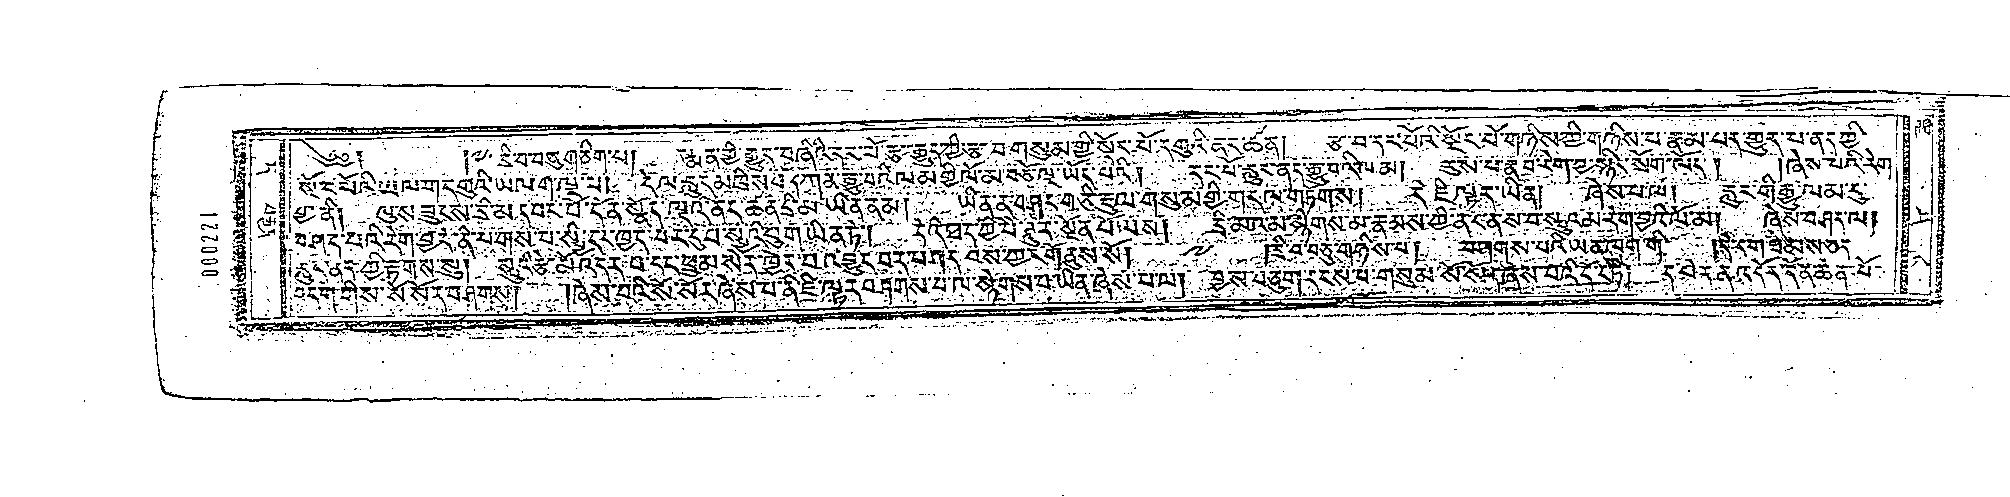༄༅། །༧་དྲི་བ་བཅུ་གཅིག་པ། སྨན་གྱི་རྒྱུད་བཞིའི་དང་པོ་རྩ་རྒྱུད་ཀྱི་རྩ་བ་གསུམ་གྱི་སྡོད་པོ་དགུའི་ནང་ཚན། རྩ་བ་དང་པོའི་སྡོང་པོ་གཉིས་ཀྱི་གཉིས་པ་རྣམ་པར་གྱུར་པ་ནད་ཀྱི་
སྡོང་པོའི་ཡལ་ག་དགུའི་ཡལ་ག་ལྔ་པ། དེ་ལ་རླུང་མཁྲིས་པ་དཀན་རྒྱུ་པའི་ལམ་གྱི་ལོ་མ་བཅོ་ལྔ་ཡོད་པའི། དང་པོ་རླུང་ནད་རྒྱུ་བའི་ལམ། རུས་པ་རྣ་བ་རེག་བྱ་སྙིང་སྲོག་ལོང་། །ཞེས་པའི་རེག་
བྱ་ནི། ལུས་ཟུངས་དྲི་མ་དབང་པོ་དོན་སྣོད་ལྔའི་ནང་ཚན་དྲི་མ་ཡིན་ན། ཡིན་ན་བཤད་གཅི་རྡུལ་གསུམ་གྱི་གང་ལ་གཏོགས། དེ་ཇི་ལྟར་ཡིན། ཞེས་པ་ལ། རླུང་གི་རྒྱུ་ལམ་དུ་
བཤད་པའི་རེག་བྱ་དེ་ནི་པགས་པ་སྤྱི་དང་ཁྱད་པར་དུ་པ་སྤྱིའི་པུ་ག་ཡིན་ཏེ། དེའི་ཐད་ཀྱི་བཻ་ཌཱུར་སྔོན་པོ་ལས། དྲི་མའམ་སྙིགས་མ་རྣམས་ཀྱི་ནང་ནས་བ་སྤུའམ་རེག་བྱའི་ལོ་མ། ཞེས་བཤད་ལ།
རླུང་ནད་ཀྱི་རྟགས་སུ། སྤུའི་རྩེ་མོ་འདར་བ་དང་ཕྲུ་མ་སེར་ཁྱེར་བའི་འབྱུང་བར་བཤད་བས་ཀྱང་གོ་ནུས་སོ། ༧་།དྲི་བ་བཅུག་ཉིས་པ། བཤགས་པའི་ཡན་ལག་གི །དེ་དག་ཐམས་ཅད་
བདག་གིས་སོ་སོར་བཤགས། །ཞེས་བའི་སོ་སོར་ཞེས་པ་ནི་ཇི་ལྟར་བཤགས་པ་ལ་སྙེགས་པ་ཡིན་ཞེས་པ་ལ། བྱས་བཅུག་རངས་པ་གསུམ་སོ་སོར་ཞེས་པའི་དོར་ཏེ། དཔེར་ན་འདོད་དོན་ཆེན་པོ་